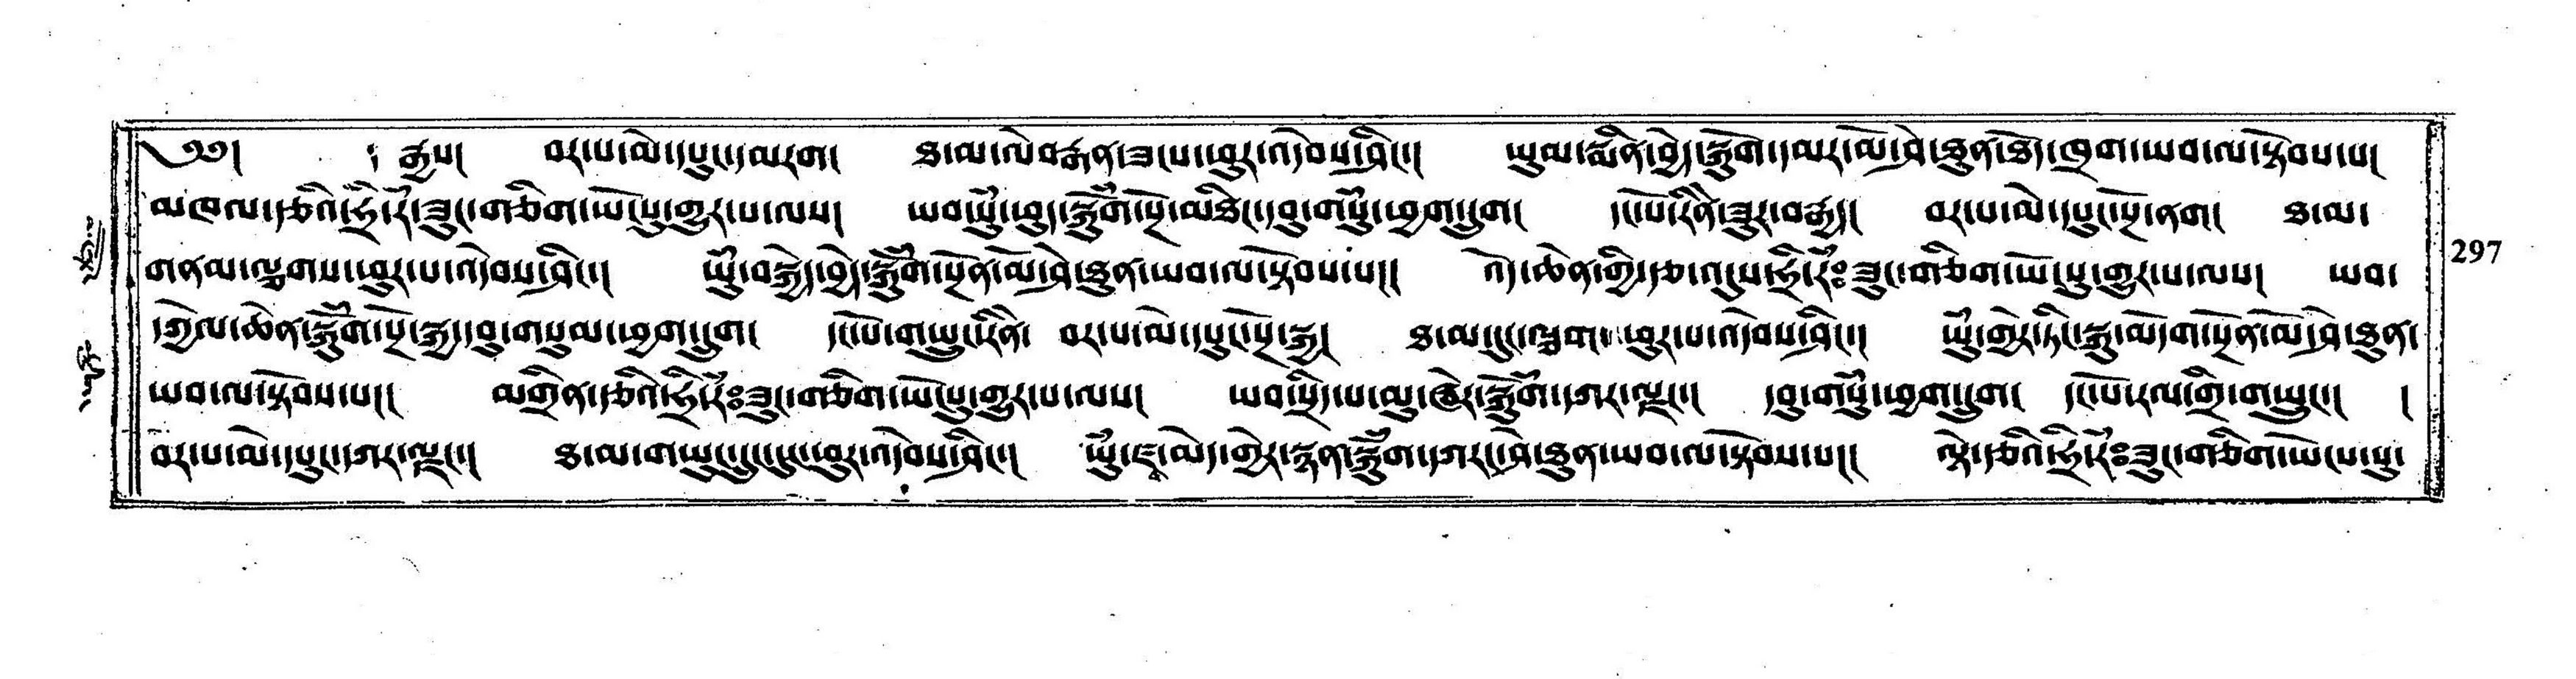རྒྱས། བར་པ་མེ་དཔུང་དམར་ནག ཐ་མ་ལེབ་རྒན་ཟངས་ཕུར་འདེབས་ཤིང་། ཡུམ་སྨིན་བྱེད་སྐུ་མདོག་དམར་མོ་ཤེ་ཐུན་ཐོད་ཁྲག་ཡབ་ལ་སྟོབས་པ། 
མཁལ་རྩའི་ཧྲི་རཾ་ཟུང་གཅིག་ཡོངས་སུ་གྱུར་པ་ལས། ཡབ་སུམ་ཕུད་སྐུ་མདོག་སྔོ་མཐིང་དབུ་གསུམ་ཕྱག་དྲུག དང་པོ་རིན་ཆེན་ཟུར་བརྒྱད། བར་པ་མེ་དཔུང་སྔོ་ནག ཐ་མ་
གནམ་ལྕགས་ཕུར་པ་འདེབས་ཤིང་། ཡུམ་བསྐྱེད་བྱེད་སྐུ་མདོག་སྔོན་མོ་ཤེ་ཐུན་ཡབ་ལ་སྟོབས་པ།། འོད་ཆེན་གྱི་རྩ་འདུས་ཧྲི་རཾཿཟུང་གཅིག་ཡོངས་སུ་གྱུར་པ་ལས། ཡབ་
དཀྱེལ་ཆེན་སྐུ་མདོག་སྔོ་སྐྱ་དབུ་གསུམ་ཕྱག་དྲུག དང་པོ་གཡུང་དྲུང་རིན་ཆེན་བར་པ་མེ་དཔུང་སྔོ་སྐྱ། ཐ་མ་དུང་ལྕགས་ཕུར་པ་འདེབས་ཤིང་། ཡུམ་གྱེར་ཏིང་སྐུ་མདོག་སྔོན་མོ་ཤེ་ཐུན་
ཡབ་ལ་སྟོབས་པ།། མགྲིན་རྩའི་ཧྲི་རཾཿཟུང་གཅིག་ཡོངས་སུ་གྱུར་པ་ལས། ཡབ་སྲིད་པ་མུ་ཝེར་སྐུ་མདོག་དཀར་ལྗང་། དབུ་གསུམ་ཕྱག་དྲུག དང་པོ་རལ་གྲི་གཡུང་དྲུང་། 
བར་པ་མེ་དཔུང་དཀར་ལྗང་། ཐ་མ་གཡུང་དྲུང་དུང་ཕུར་འདེབས་ཤིང་། ཡུམ་ཛྭ་མེད་གྱེར་སྙན་སྐུ་མདོག་དཀར་ལྗང་ཤེ་ཐུན་ཡབ་ལ་སྟོབས་པ།། ལྟེ་རྩའི་ཧྲི་རཾཿཟུང་གཅིག་ཡོངས་སུ་